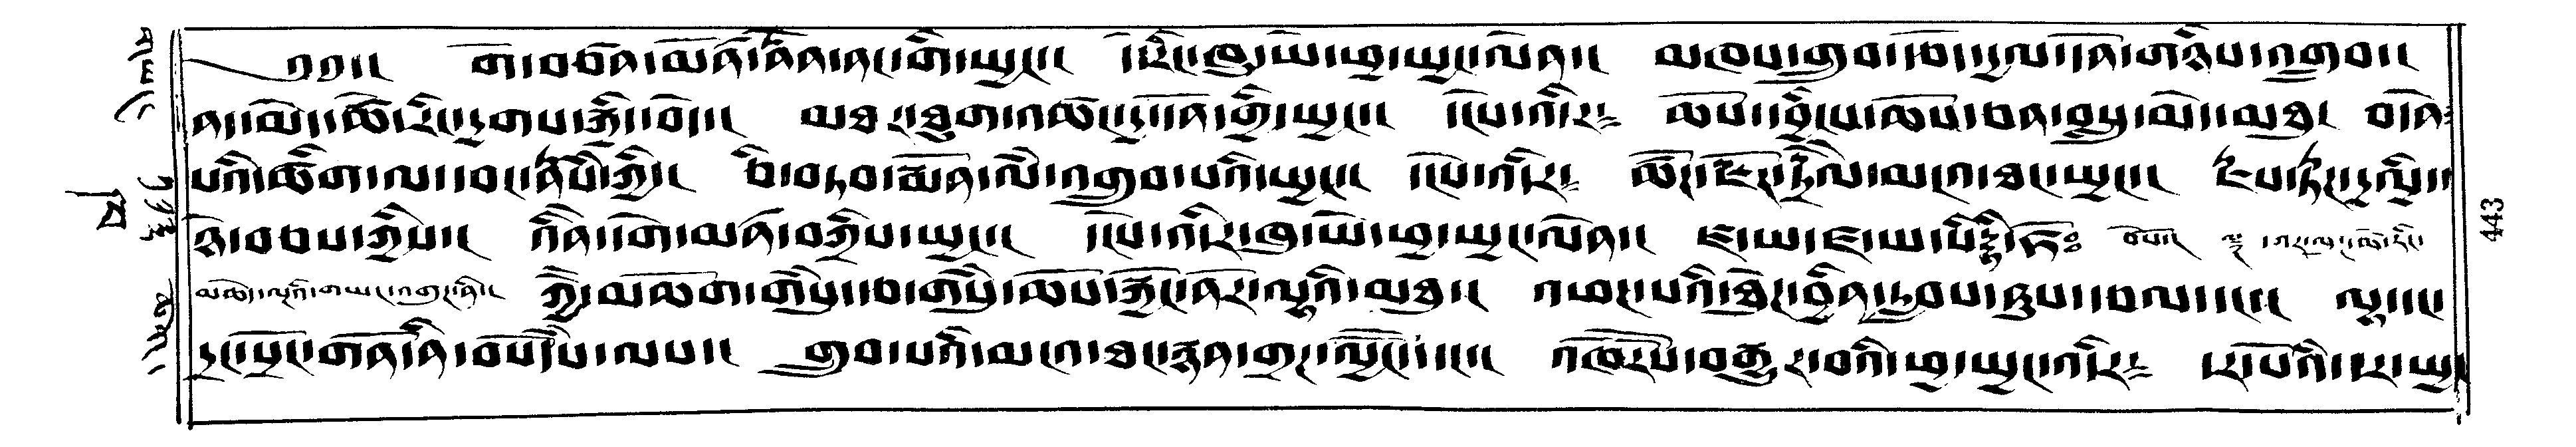གོ་བཙན་མཚོན་རྣོན་ནང་གི་གཡང་། །དེ་རིང་ཁུ་ཡེ་ཕྱྭ་གཡང་ལེན། མཁས་གྲུབ་རྩོད་རྒྱལ་དོན་གཉིས་འགྲུབ། །
ནད་མེད་ཚེ་རིང་རྒྱགས་སྐྱིད་བདེ། །མཐར་ཐུག་འཚང་རྒྱ་དོན་གྱི་གཡང་། །དེང་འདིར༴ ཆོས་དབྱིངས་ཆོས་ཅན་བསླུ་མེད་མཐུ། །བདེན་
པའི་ཚིག་ལ་དབང་རྣམས་ཀྱི། །ཅི་བཏབ་སྨོན་ལམ་འགྲུབ་པའི་གཡང་། དེང་འདིར༴ ཚོས་རྫོགས་རྟེན་འབྲེལ་མངའ་ཐང་གཡང་། རྫས་རྟགས་རྒྱལ་སྲིད་
ཉེ་བཅས་ཀྱིས། །འཇིག་རྟེན་དགེ་མཚན་བཀྲ་ཤིས་གཡང་། དེང་འདིར་ཁུ་ཡེ་ཕྱྭ་གཡང་ལེན། །ཛ་ཡ་ཛ་ཡ་སིདྡྷི་ཧོཿ ཞེས་སོ། ༈ དཀར་ལུགས་ཚེ་རིང་
མཆོད་ལྔའི་གཡང་འགུགས་ནི། ཀྱཻ་མཆོག་གསུམ་རྩ་གསུམ་ཆོས་སྐྱོང་ནོར་ལྷའི་མཐུ། །འཕགས་པའི་ཐུགས་རྗེ་བྱིན་རླབས་ནུས་རྩལ་དང་། །ལྷ་དང་
དྲང་སྲོང་གནོད་སྦྱིན་བསོད་ནམས་ལས། །གྲུབ་པའི་མངའ་ཐང་སྙན་གྲགས་ལོངས་སྤྱོད་དང་། །འཁོར་ལོས་བསྒྱུར་བའི་ཕྱྭ་གཡང་འདིར༴ དར་པོའི་དར་གཡང་